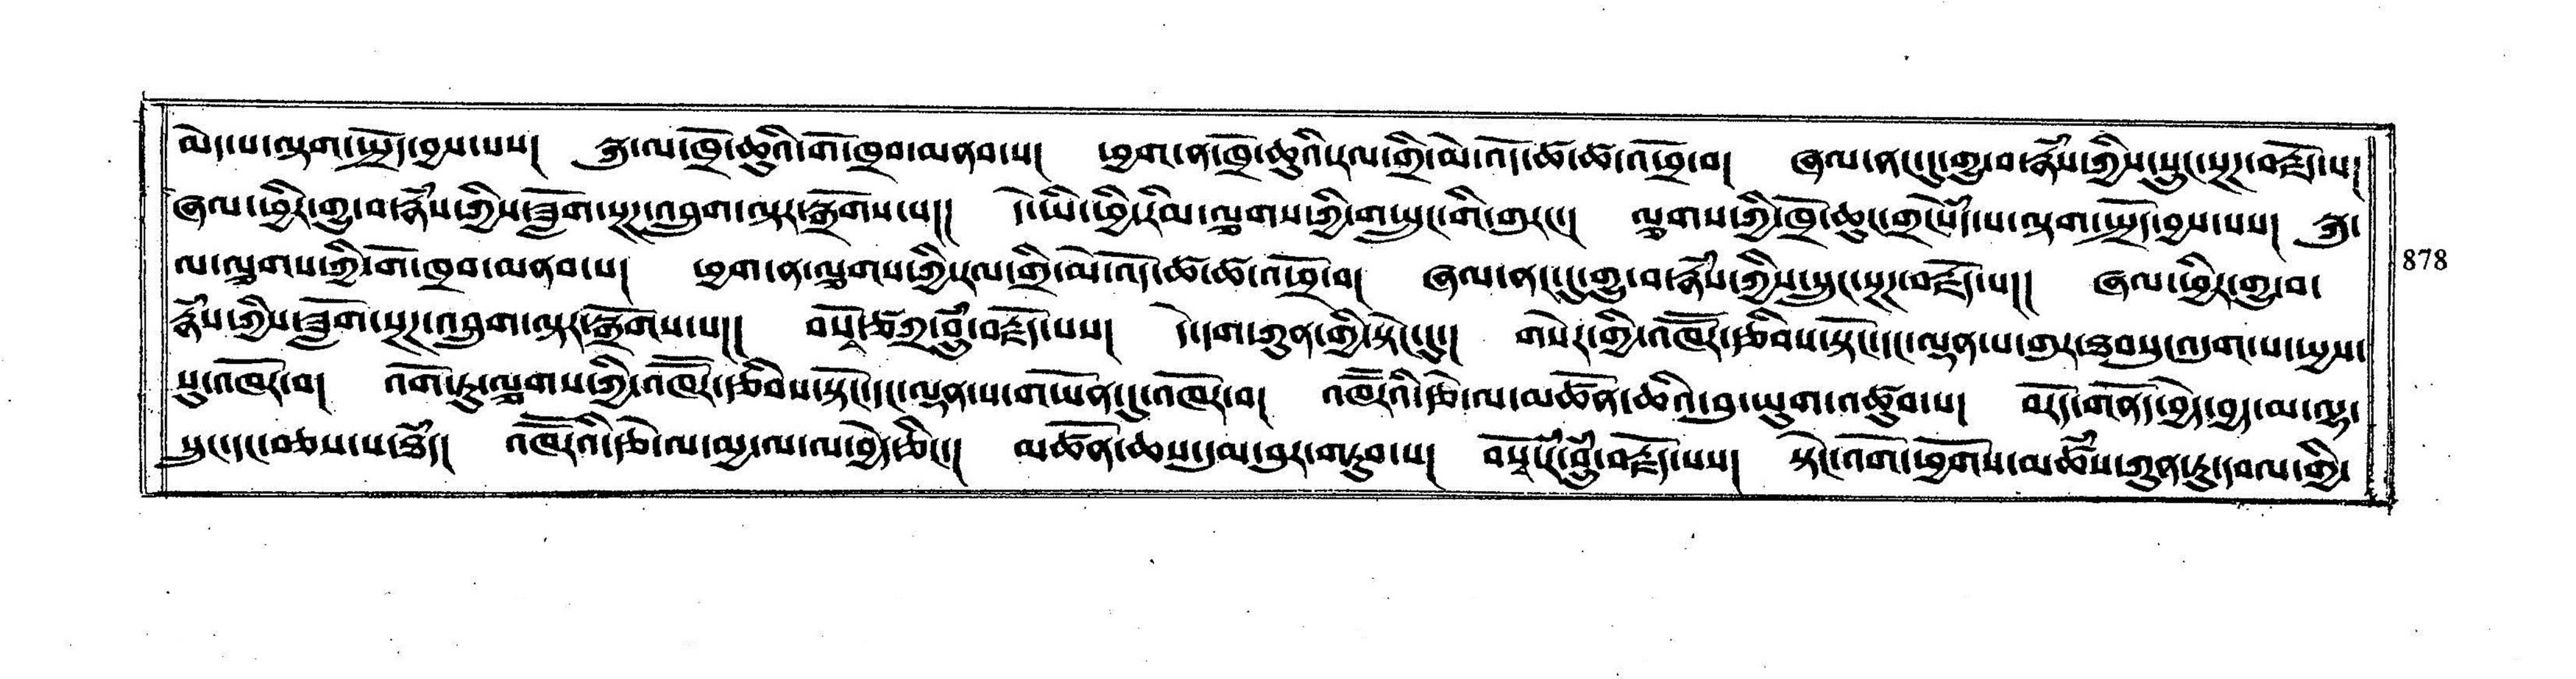མེད་པ་ལག་སྤྲོད་བྱས་པས། སྐུ་ལ་ཁྲོ་ཆུའི་གོ་ཁྲབ་མནབ་པ། ཕྱག་ན་ཁྲོ་ཆུའི་རལ་གྲི་མེ་འོད་ཚ་ཚ་འཕྲོ་བ། ཞལ་ནང་དུ་གྱུ་བ་རྣམས་ཀྱིས་སྲུང་སྔགས་བརྗོད་པ། 
ཞལ་ཕྱིར་གྱུ་བ་རྣམས་ཀྱིས་ཟློག་སྔགས་འབྲུག་ལྟར་སྒྲོགས་པ།། དེ་ཡི་ཕྱི་རིམ་ལྕགས་ཀྱི་གཡུང་དྲུང་གི་གུར་ཁང་། ལྕགས་ཀྱི་ཁྲོ་ཆུང་གྲངས་མེད་པ་ལྟག་སྤྲོད་བྱས་པས། སྐུ་
ལ་ལྕགས་ཀྱི་གོ་ཁྲབ་མནབ་པ། ཕྱག་ན་ལྕགས་ཀྱི་རལ་གྲི་མེ་འོད་ཚ་ཚ་འཕྲོ་བ། ཞལ་ནང་དུ་གྱུ་བ་རྣམས་ཀྱིས་སྲུང་སྔགས་བརྗོད་པ།། ཞལ་ཕྱིར་གྱུ་བ་
རྣམས་ཀྱིས་ཟློག་སྔགས་འབྲུག་ལྟར་སྒྲོགས་པ།། བསྭོ་ཙཀྲ་བྲུཾ་བརྗོད་པས། དེ་དག་ཀུན་གྱི་སྟེང་དུ། གསེར་གྱི་འཁོར་ལོ་རྩིབས་སྟོང་དང་ལྡན་པ་གུར་ཐབས་སུ་འདུག་པ་གཡས་
སུ་འཁོར་བ། འོག་ཏུ་ལྕགས་ཀྱི་འཁོར་ལོ་རྩིབས་སྟོང་དང་ལྡན་པ་གཡོན་དུ་འཁོར་བ། འཁོར་ལོའི་རྩེ་ལ་མཚོན་ཆའི་བུ་ཡུག་འཚུབ་པ། བར་ཆོད་གནོད་བྱེད་བྱད་མ་ལྷ་
སྲུང་དང་བཅས་པ་ཐམས་ཅད། འཁོར་ལོའི་རྩེ་ལ་མྱ་ལ་ལ་བྱེད་ཅིང་། མཚོན་ཆས་དུམ་བུར་གཏུབ་པ། བསྭོ་རཾ་བྲུཾ་བརྗོད་པས། སྟེང་འོག་ཕྱོགས་མཚམས་ཀུན་ཏུ་དབལ་གྱི་